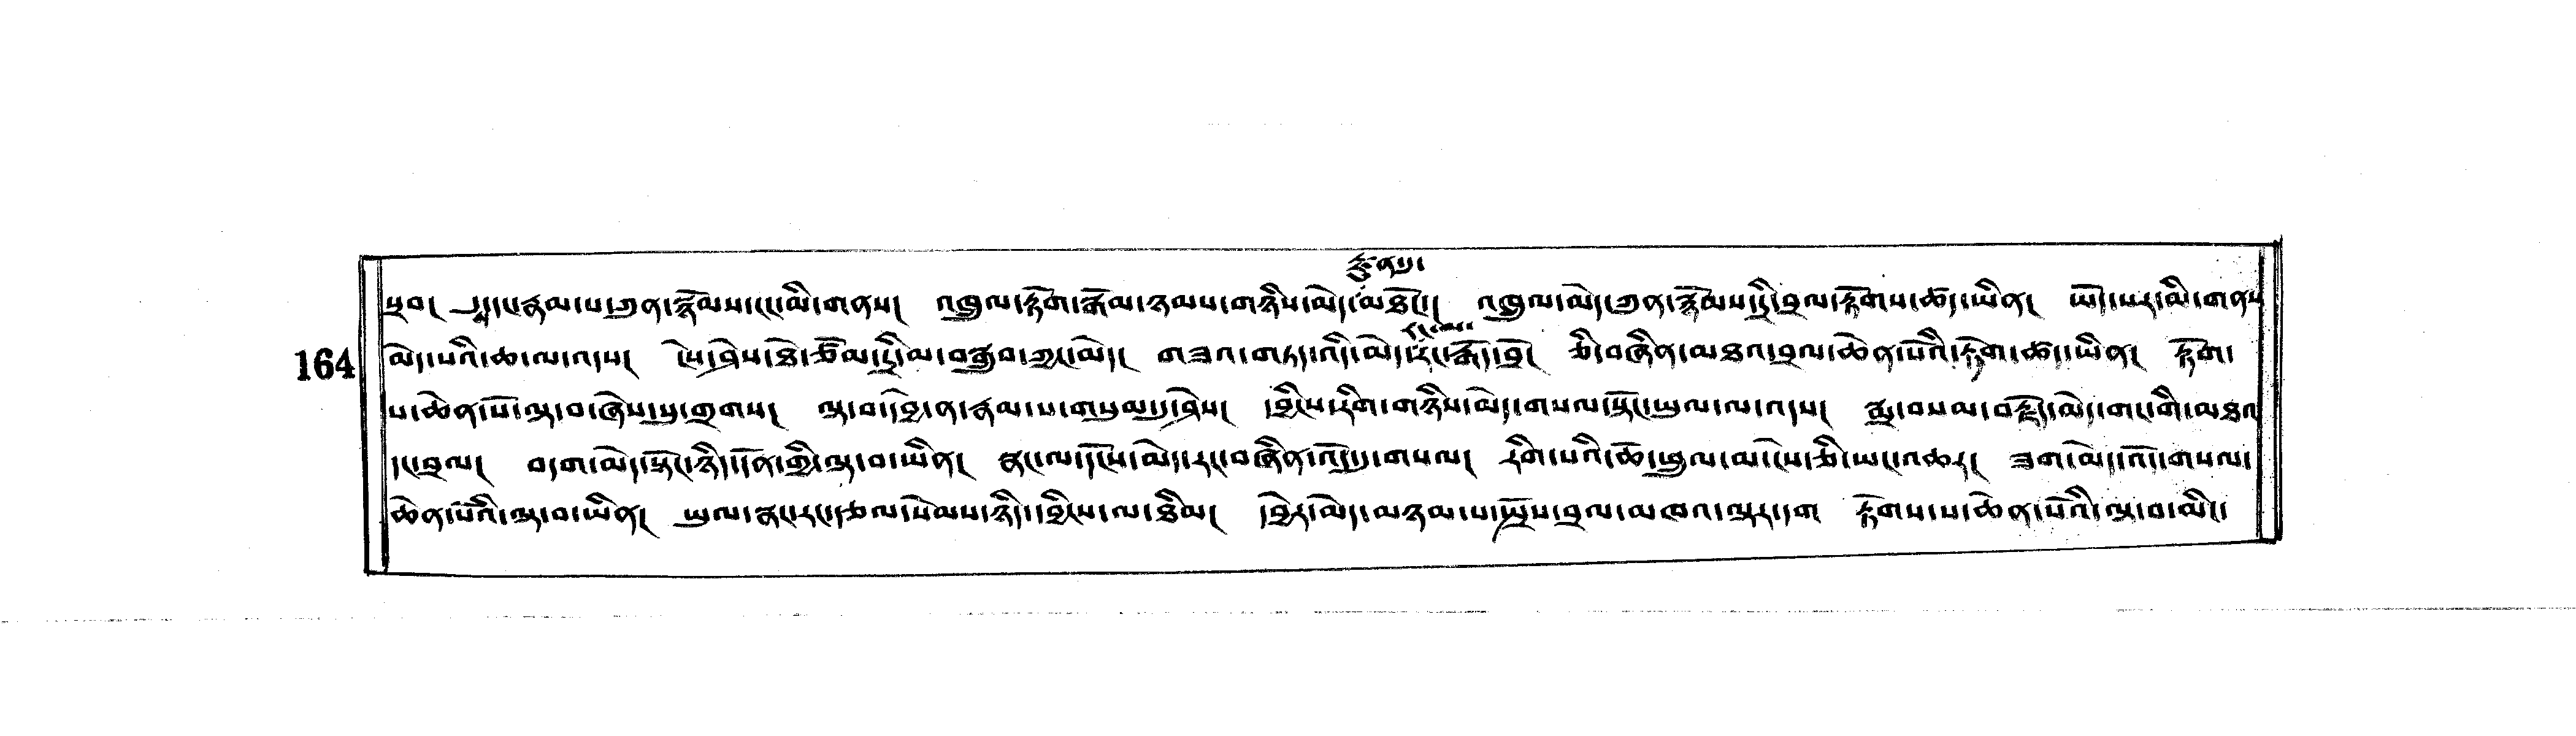སྲབ། དུས་དང་རྣམ་པ་ཀུན་སྙོམས་ངང་མི་གནས། འཁྲུལ་རྟོག་སྒོམ་ཉམས་གཉིས་མེད་རྫུན་དུ་མཐོང་། འཁྲུལ་མེད་ཀུན་སྙོམས་དྲི་བྲལ་རྟོགས་ཚད་ཡིན། ཡོད་པར་མི་གནས་
མེད་པའི་ཆ་ལས་འདས། ངེས་ཤེས་ཐེ་ཚོམ་དྲི་མ་བསྒྲུབ་ཀྱང་མེད། གཟའ་གཏད་འདི་མེད་རང་ལ་རང་རྒོད་བྲོ། ཅི་བཞིན་མཐའ་བྲལ་ཆེན་པོའི་རྟོག་ཚད་ཡིན། རྟོགས་
པ་ཆེན་པོ་ལྟ་བ་ཞེས་སུ་གྲགས། ལྟ་བ་དབྱེ་ན་རྣམ་པ་གསུམ་དུ་ཤེས། དབྱིངས་རིག་གཉིས་མེད་གསལ་སྟོང་ཡུལ་ལས་འདས། སྨྲ་བསམ་བརྗོད་མེད་གང་གི་མཐའ་
དང་བྲལ། བདག་མེད་སྟོང་ཉིད་དོན་གྱི་ལྟ་བ་ཡིན། སྣང་ལ་དངོས་མེད་རང་བཞིན་འོད་དུགསལ། རིག་པའི་ཆོ་འཕྲུལ་མ་ངེས་ཅི་ཡང་འཆར། ཟག་མེད་འོད་གསལ་
ཆེན་པོའི་ལྟ་བ་ཡིན། ཡུལ་སྣང་རང་རྩལ་སེམས་ཉིད་དབྱིངས་ལ་ཐིམ། དབྱེར་མེད་མཉམ་པ་སྤྲོས་བྲལ་མཁའ་ལྟར་དག རྟོགས་པ་ཆེན་པོའི་ལྟ་བ་མིང་